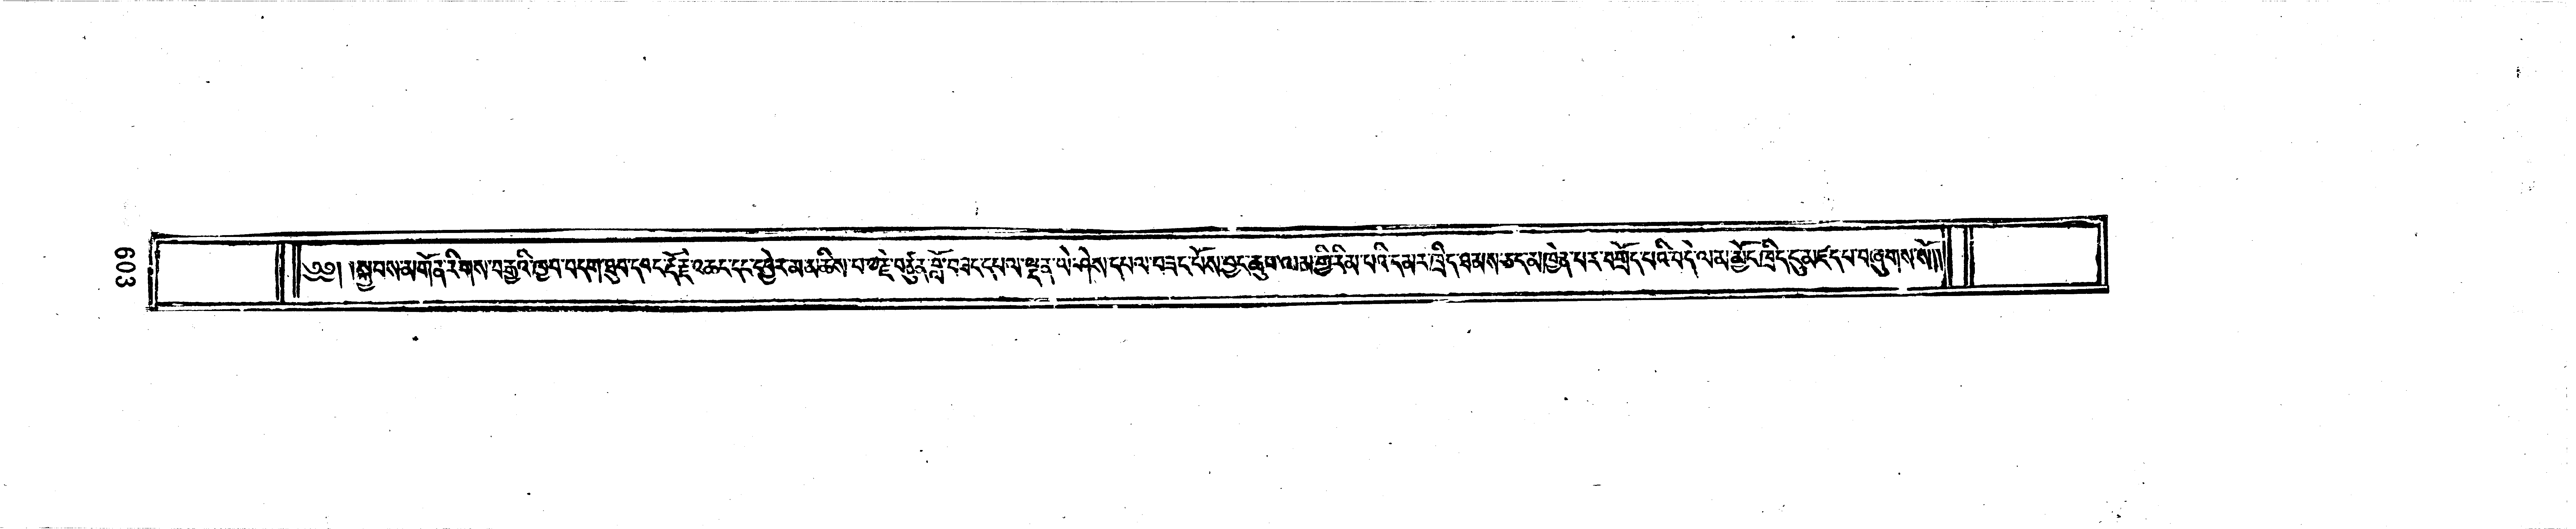༄༅། །སྐྱབས་མགོན་རིགས་བརྒྱའི་ཁྱབ་བདག་ཐུབ་དབང་རྡོ་རྗེ་འཆང་དང་དབྱེར་མ་མཆིས་པ་༧་རྗེ་བཙུན་བློ་བཟང་དཔལ་ལྡན་ཡེ་ཤེས་དཔལ་བཟང་པོས་བྱང་ཆུབ་ལམ་གྱི་རིམ་པའི་དམར་ཁྲིད་ཐམས་ཅད་མཁྱེན་པར་བགྲོད་པའི་བདེ་ལམ་མྱོང་ཁྲིད་དུ་མཛད་པ་བཞུགས་སོ།།